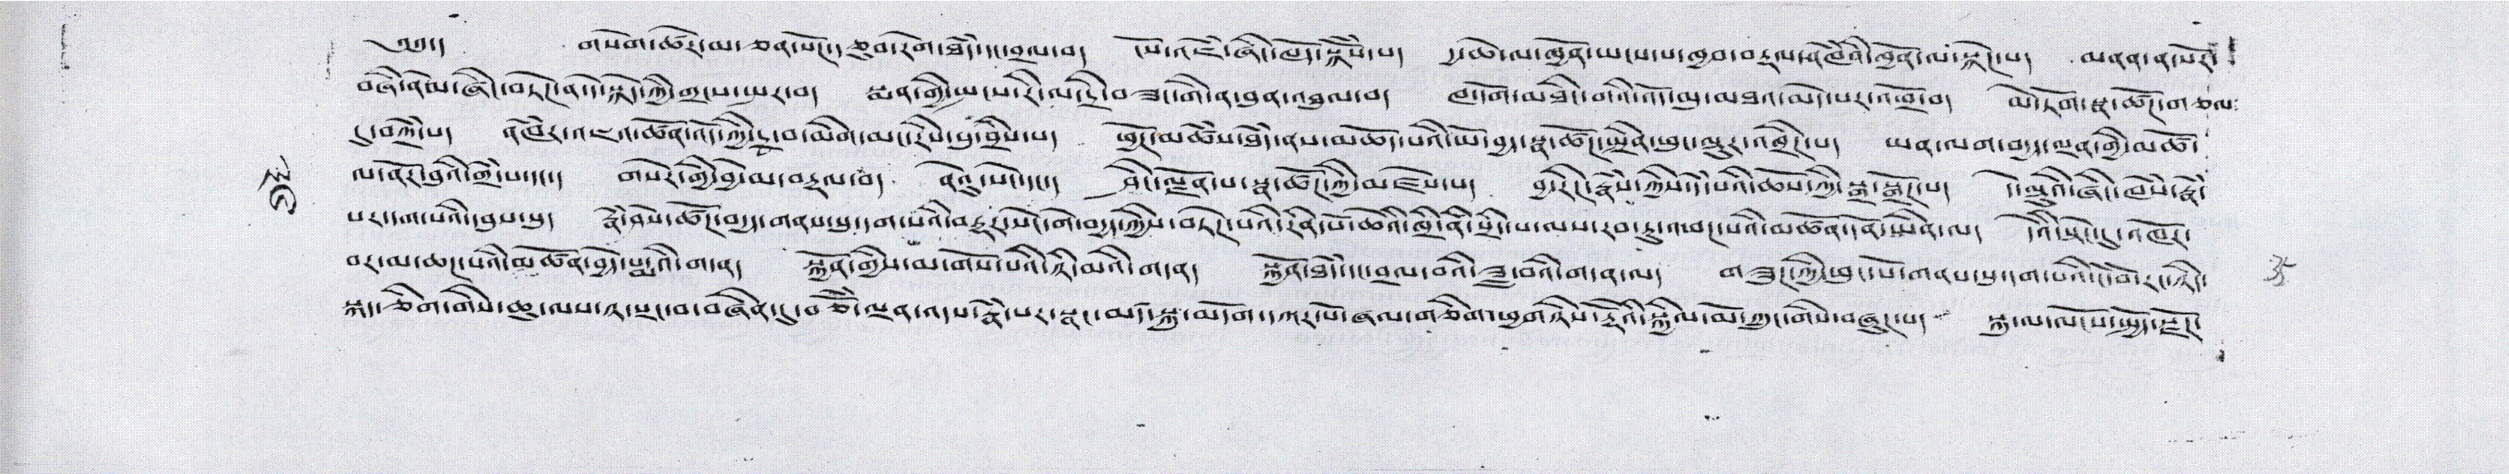སྲེག་ཚེར་མ་ཅན་སོགས་རྩུབ་རེག་ཐམས་ཅད་དང་བྲལ་བ། ངོས་འཇམ་ཞིང་ཁོད་སྙོམས་པ། རྒྱ་ཆེ་ལ་ཁྱོན་ཡངས་པ་ཁྱབ་བདལ་ནམ་མཁའི་ཁྱོན་ལ་སྙེགས་པ། མནན་ན་སོར་
བཞི་ནེམ་ཞིང་བཏེགས་ན་དེ་སྙེད་ཀྱི་གྲངས་སྤར་བ། སྨན་གྱི་སྤང་རི་ལ་དྲི་བཟང་གི་ན་བུན་འཐུལ་བ། ཁ་དོག་མཐིང་གའི་འོད་མུ་མཐའ་མེད་པར་འཕྲོ་བ། མེ་ཏོག་སྣ་ཚོགས་གཅལ་
དུ་བཀྲམ་པ། ནམ་མཁར་འཇའ་ཚོན་འོད་ཀྱི་དྲྭ་བ་མིག་མངས་རིས་སུ་བྲིས་པ། ཕྱོགས་མཚམས་ཐམས་ཅད་ནས་མཆོད་པའི་ཡོ་བྱད་སྣ་ཚོགས་སྤྲིན་ཕུང་ལྟར་རུ་འཁྲིགས་པ། ཡན་ལག་བརྒྱད་ལྡན་གྱི་མཚོ་
ལ་ནོར་བུའི་གྲམ་པ་དང་། གསེར་གྱི་བྱེ་མ་བརྡལ་བ། ནེའུ་སེང་དང་། ཤིང་ལྗོན་པ་སྣ་ཚོགས་ཀྱིས་མཛེས་པ། བྱ་རིགས་ཐམས་ཅད་ཀྱིས་དམ་པའི་ཆོས་ཀྱི་སྒྲ་སྒྲོགས་པ། དེ་ལྟ་བུའི་ཞིང་ཁམས་རྣམ་
པར་དག་པའི་དབུས་སུ། རྣམ་ཤེས་ཚོགས་བརྒྱད་གནས་སུ་དག་པའི་བརྡར་སེང་གེ་བརྒྱད་ཀྱིས་བཏེགས་པའི་རིན་པོ་ཆེའི་ཁྲི་ནི་སྲིད་པ་ལས་རབ་ཏུ་འཕགས་པའི་མཚོན་དོན་ཡིན་ལ། དེའི་སྟེང་དུ་འཁོར་
བར་མ་ཆགས་པའི་མཚོན་བྱེད་པདྨའི་གདན། སྐྱོན་གྱིས་མ་གོས་པའི་ཉི་མའི་གདན། སྐྱོན་ཐམས་ཅད་དང་བྲལ་བའི་ཟླ་བའི་གདན་ལ། གཟུགས་ཀྱི་ཕུང་པོ་གནས་སུ་དག་པའི་ངོ་བོ། རང་ཉིད་
སྐད་ཅིག་གིས་ཆུ་ལས་ཉ་ལྡང་བ་བཞིན་དུ་བཅོམ་ལྡན་འདས་རྣམ་པར་སྣང་མཛད་སྐུ་མདོག་དཀར་པོ་ཞལ་གཅིག་ཕྱག་གཉིས་རྡོ་རྗེའི་སྐྱིལ་མོ་ཀྲུང་གིས་བཞུགས་པ། སྐུ་ལ་ལོངས་སྤྱོད་རྫོགས་